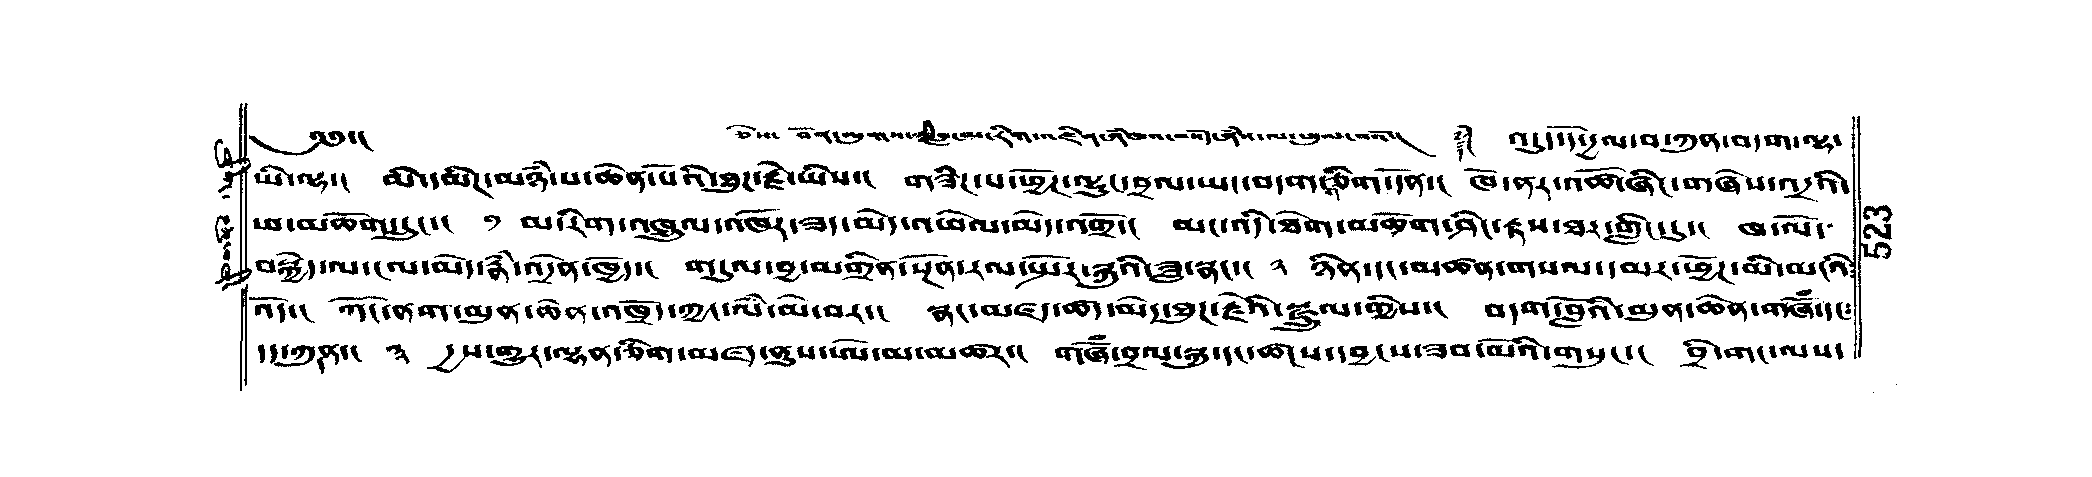ཅེས་བོན་ལུགས་ཀྱི་བླ་མ་རིག་འཛིན་ནམ་མཁའ་བསོད་ནམས་ལ་ཕུལ་བའོ།། ༈ འདུད་དོ་རྒྱལ་བ་ཀུན་བདག་ལྷ་
ཡི་ལྷ། །མི་དམིགས་མཉམ་པ་ཆེན་པོའི་ཐུགས་རྗེ་ཡིས། །གཟིགས་པ་ཕྱོགས་ལྷུང་བྲལ་ཡང་བདག་གཅིག་དོན། །ཁོ་ནར་འཚོ་ཞིང་བཞེས་འདྲའི་
ཕ་མཆོག་དྲུང་། ༡ །མ་རིག་འཁྲུལ་འཁོར་ཟད་མེད་འཕེལ་མེད་འགྲོ། །མང་འདི་ཐེག་མཆོག་ཤིང་རྟས་ཐར་གླིང་དུ། །ཁ་ལོ་
བསྐྱོད་ལ་ངལ་མེད་རྣམ་འདྲེན་ཁྱོད། །གདུལ་བྱ་མགྲིན་སྔོན་རལ་སྤོར་སྐུའི་ཟླ་སྣང་། ༢ །ཉིན་དང་མཚན་གསལ་དམར་ཕྱོགས་མི་མངའི་
འོད། །ཀོང་ནག་མུན་ཆེན་ཁྲོད་ཀྱང་ལམ་མེ་བར། །སྣང་མཛད་ཚད་མེད་ཐུགས་རྗེའི་རྫུ་འཕྲུལ་གྱིས། །བདག་བློའི་མུན་ཆེན་གཞོམ་དང་
དད་ཀུནྡ། ༣ །རྒྱས་གྱུར་ལྷན་ཅིག་མཛད་ནུས་ཨེ་མ་མཚར། །གཞོམ་བྲལ་སྐུ་དང་ཚངས་དབྱངས་ཟབ་མོའི་གསུང་། །བྲི་གང་ལས་